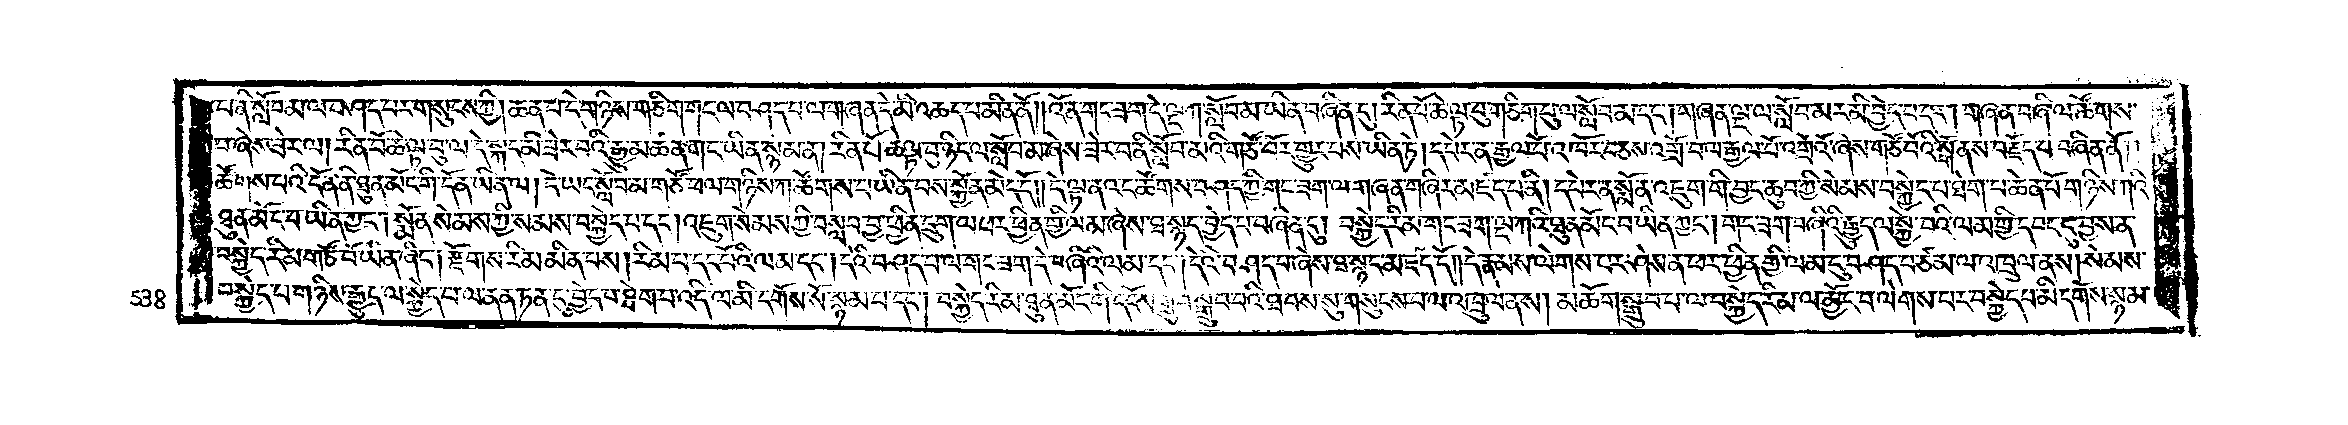པ་ནི་སློབ་མ་ལ་བཤད་པར་གསུངས་ཀྱི། ཚན་པ་དེ་གཉིས་གཅིག་གང་ལ་བཤད་པ་ལ་གཞན་དེ་མི་འཆད་པ་མིན་ནོ། །འོ་ན་གང་ཟག་དེ་ལྔ་ཀ་སློབ་མ་ཡིན་བཞིན་དུ། རིན་པོ་ཆེ་ལྟ་བུ་གཅིག་པུ་ལ་སློབ་མ་དང་། གཞན་ལྔ་ལ་སློབ་མར་མི་བྱེད་པ་དང་། གཞན་བཞི་ལ་ཚོགས་
པ་ཞེས་ཟེར་ལ། རིན་པོ་ཆེ་ལྟ་བུ་ལ་དེ་སྐད་མི་ཟེར་བའི་རྒྱུ་མཚན་གང་ཡིན་སྙམ་ན། རིན་པོ་ཆེ་ལྟ་བུ་ཉིད་ལ་སློབ་མ་ཞེས་ཟེར་བ་ནི་སློབ་མའི་གཙོ་བོར་གྱུར་པས་ཡིན་ཏེ། དཔེར་ན་རྒྱལ་པོ་འཁོར་བཅས་འགྲོ་བ་ལ་རྒྱལ་པོ་འགྲོའོ་ཞེས་གཙོ་བོའི་སྒོ་ནས་བརྗོད་པ་བཞིན་ནོ། །
ཚོགས་པའི་དོན་ནི་ཐུན་མོང་གི་དོན་ཡིན་ལ། དེ་ཡང་སློབ་མ་གཙོ་ཕལ་གཉིས་ཀ་ཚོགས་པ་ཡིན་པས་སྐྱོན་མེད་དོ། །དེ་ལྟ་ནའང་ཚོགས་བཤད་ཀྱི་གང་ཟག་ལ་གཞན་གཞིར་མཛད་པ་ནི། དཔེར་ན་སྨོན་འཇུག་གི་བྱང་ཆུབ་ཀྱི་སེམས་བསྐྱེད་པ་ཐེག་པ་ཆེན་པོ་གཉིས་ཀའི་
ཐུན་མོང་བ་ཡིན་ཀྱང་། སྨོན་སེམས་ཀྱི་སེམས་བསྐྱེད་པ་དང་། འཇུག་སེམས་ཀྱི་བསླབ་བྱ་ཕྱིན་དྲུག་ལ་ཕར་ཕྱིན་གྱི་ལམ་ཞེས་ཐ་སྙད་བྱེད་པ་བཞིན་དུ། བསྐྱེད་རིམ་གང་ཟག་ལྔ་ཀའི་ཐུན་མོང་བ་ཡིན་ཀྱང་། གང་ཟག་བཞིའི་རྒྱུད་ལ་སྐྱེ་བའི་ལམ་གྱི་དབང་དུ་བྱས་ན་
བསྐྱེད་རིམ་གཙོ་བོ་ཡིན་ཞིང་། རྫོགས་རིམ་མིན་པས། རིམ་པ་དང་པོའི་ལམ་དང་། དེའི་བཤད་པ་ལ་གང་ཟག་དེ་བཞིའི་ལམ་དང་། དེའི་བཤད་པ་ཞེས་ཐ་སྙད་མཛད་དོ། །དེ་རྣམས་ལེགས་པར་ཤེས་ན་ཕར་ཕྱིན་གྱི་ལམ་དུ་བཤད་པ་ཙམ་ལ་འཁྲུལ་ནས། སེམས་
བསྐྱེད་པ་གཉིས་རྒྱུད་ལ་སྐྱེད་པ་ལ་ནན་ཏན་དུ་བྱེད་པ་ཐེག་པ་འདི་ལ་མི་དགོས་སོ་སྙམ་པ་དང་། བསྐྱེད་རིམ་ཐུན་མོང་གི་དངོས་གྲུབ་སྒྲུབ་པའི་ཐབས་སུ་གསུངས་པ་ལ་འཁྲུལ་ནས། མཆོག་སྒྲུབ་པ་ལ་བསྐྱེད་རིམ་ལ་མྱོང་བ་ལེགས་པར་བསྐྱེད་པ་མི་དགོས་སྙམ་